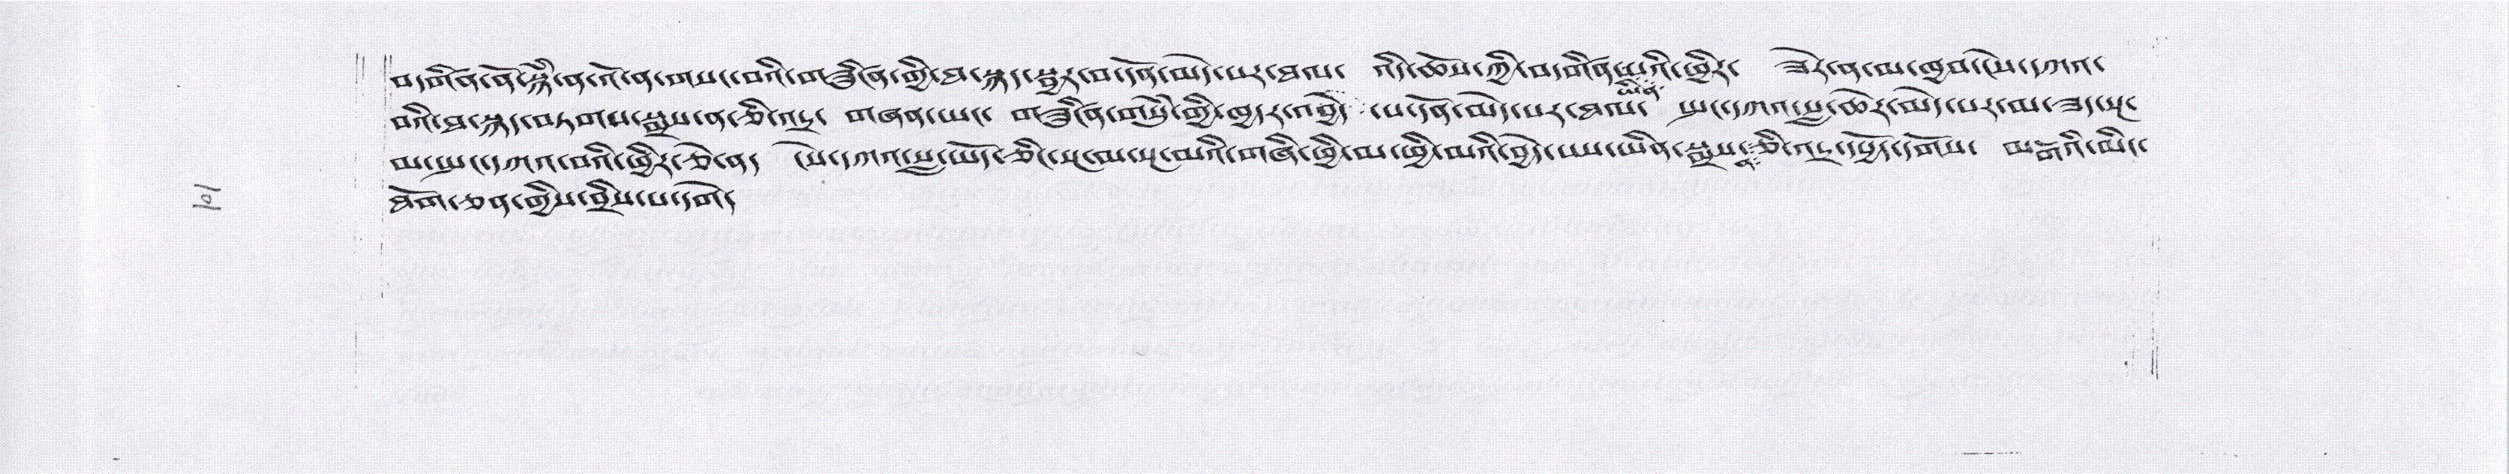བདག་འཛིན་ནོ་སྙམ་ན་འོ་ན་གསང་བའི་གཟུང་འཛིན་གྱི་ཐ་སྙད་སྦྱར་བ་དོན་མེད་པར་ཐལ། འདི་ཆོས་ཀྱི་བདག་འཛིན་ཡིན་པའི་ཕྱིར། ཟེར་ན་མ་ཁྱབ། ངེས་དཀའ་
བའི་ཐ་སྙད་བཏགས་སྨྲས་ན་ཅི་འདྲ། གཞན་ཡང་གཟུང་འཛིན་གསུམ་གྱི་ཁྱད་པར་འབྱེད་པ་དོན་མེད་པར་ཐལ། སྤང་དཀའ་སླ་ཆེར་མེད་པ་མ་ཟད་སྔ་
མ་སྤང་དཀའ་བའི་ཕྱིར། ཅེ་ན་ངེས་དཀའ་སླ་ཡོད་ཅིང་སྔ་མ་སྔ་མའི་གཞི་ཕྱི་མ་ཕྱི་མའི་བྱེད་པ་ཡིན་སྨྲས་ན་ཅི་འདྲ་དཔྱོད་དགོས། མངྒའི་མིང་
ཐོག་ཅན་གྱིས་བྲིས་པ་དགེ། །།